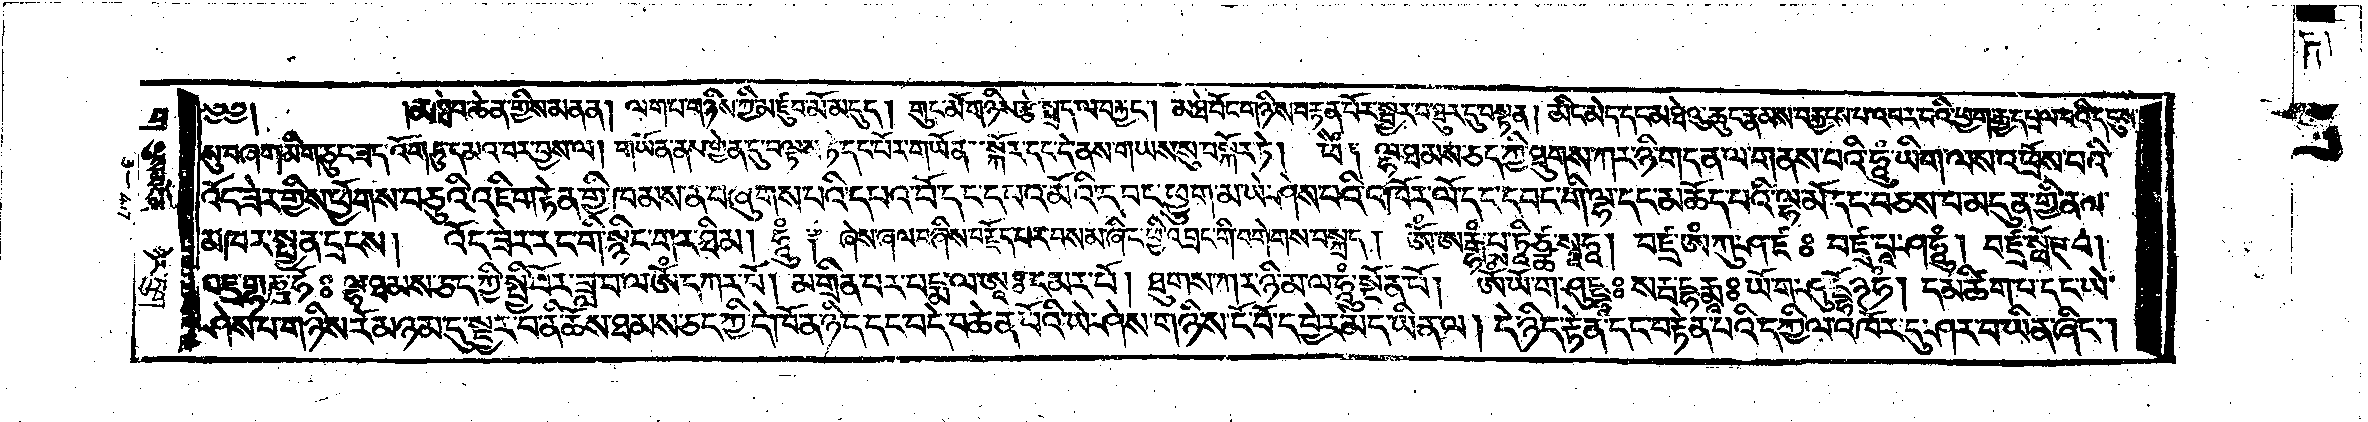༄༅། །མ་ཐེབ་ཆེན་གྱིས་མནན། ལག་པ་གཉིས་ཀྱི་མཛུབ་མོ་མདུད། གུང་མོ་གཉིས་རྩེ་སྤྲད་ལ་བརྐྱང་། མཐེ་བོང་གཉིས་བརྟན་པོར་སྦྱར་བ་ཐུར་དུ་བསྟན། མིང་མེད་དང་མཐེའུ་ཆུང་རྣམས་བརྐྱངས་པ་འབར་བའི་ཕྱག་རྒྱ་དཔྲལ་བའི་དབུས་
སུ་བཞག་མིག་ཅུང་ཟད་འོག་ཏུ་དམའ་བར་བྱས་ལ། གཡོན་ནས་གྱེན་དུ་བལྟས་ཏེ་དང་པོར་གཡོན་སྐོར་དང་དེ་ནས་གཡས་སུ་བསྐོར་ཏེ། ཕཻཾ༑ ལྷ་ཐམས་ཅད་ཀྱི་ཐུགས་ཀར་ཉི་གདན་ལ་གནས་པའི་ཧཱུཾ་ཡིག་ལས་འཕྲོས་པའི་
འོད་ཟེར་གྱིས་ཕྱོགས་བཅུའི་འཇིག་རྟེན་གྱི་ཁམས་ན་བཞུགས་པའི་དཔའ་བོ་དང་དཔའ་མོའི་དབང་ཕྱུག་མ་ཡེ་ཤེས་པའི་འཁོར་ལོ་དང་དབང་གི་ལྷ་དང་མཆོད་པའི་ལྷ་མོ་དང་བཅས་པ་མདུན་གྱི་ནམ་
མཁར་སྤྱན་དྲངས། འོད་ཟེར་རང་གི་སྙིང་གར་ཐིམ། ཧཱུཾ་༈ ཞེས་ཞལ་བཞིས་བརྗོད་པར་བསམ་ཞིང་ཕྱི་འབྲང་གི་བགེགས་བསྐྲད།  ཨོཾ་ཨརྒྷཾ་པྲས་ཏཱིཙྪ་སྭཱཧཱ། བཛྲ་ཨཾ་ཀུ་ཤ་ཛཿབཛྲ་པཱ་ཤ་ཧཱུཾ། བཛྲ་སྥོཊ་བ།
བཛྲ་གྷཎྜ་ཧོཿལྷ་ཐམས་ཅད་ཀྱི་སྤྱི་བོར་ཟླ་བ་ལ་ཨོཾ་དཀར་པོ། མགྲིན་པར་པདམ་ལ་ཨཱཿདམར་པོ། ཐུགས་ཀར་ཉི་མ་ལ་ཧཱུཾ་སྔོན་པོ། ཨོཾ་ཡོ་ག་ཤུདྡྷཱཿསརྦ་དྷརྨཱཿཡོ་ག་ཤུདྡྷོ་ཉཧཾ། དམ་ཚིག་པ་དང་ཡེ་
ཤེས་པ་གཉིས་རོ་མཉམ་དུ་སྦྱར་བ་ནི་ཆོས་ཐམས་ཅད་ཀྱི་དེ་ཁོ་ན་ཉིད་དང་བདེ་བ་ཆེན་པོའི་ཡེ་ཤེས་གཉིས་ངོ་བོ་དབྱེར་མེད་ཡིན་ལ། དེ་ཉིད་རྟེན་དང་བརྟེན་པའི་དཀྱིལ་འཁོར་དུ་ཤར་བ་ཡིན་ཞིང་།